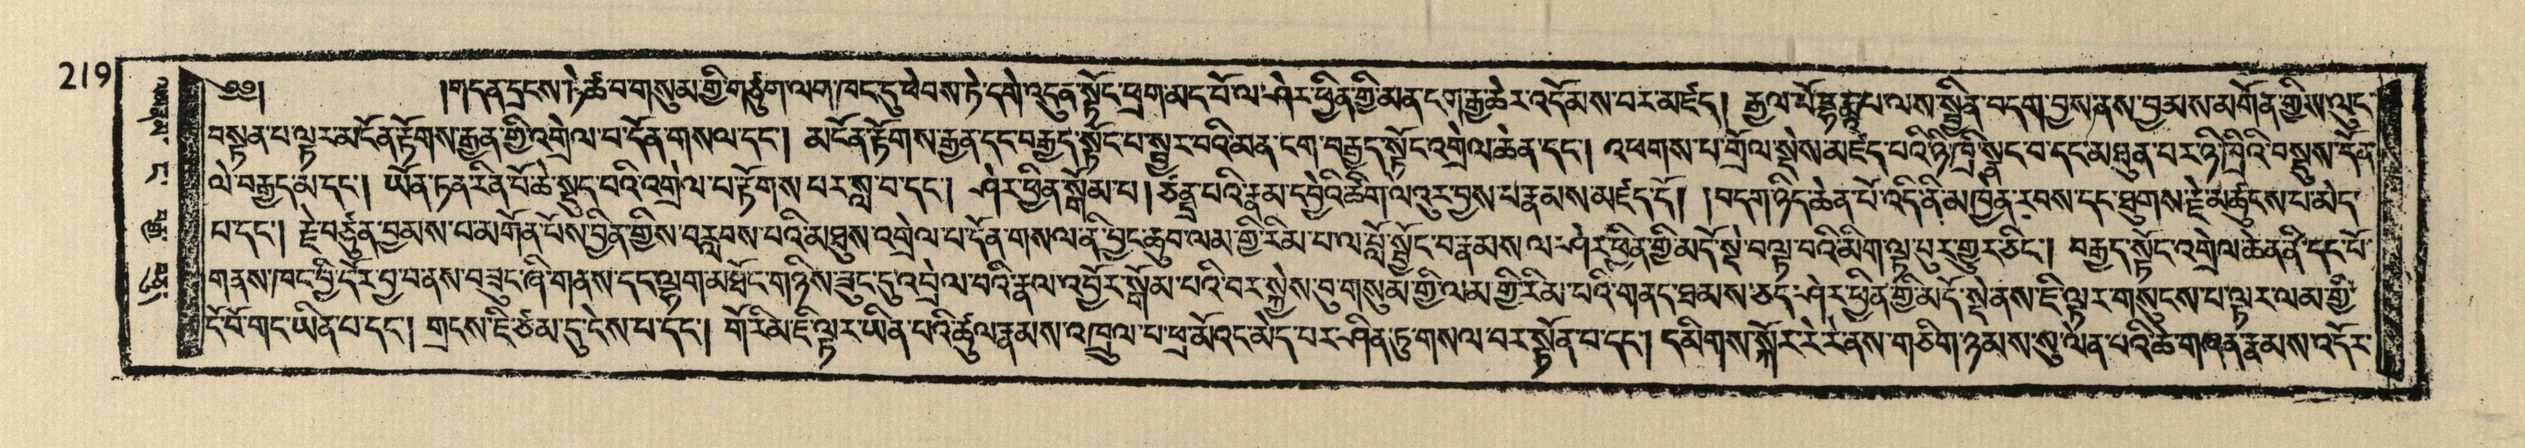༄༅། །གདན་དྲངས་ཏེ་ཚ་བ་གསུམ་གྱི་གཙུག་ལག་ཁང་དུ་ཕེབས་ཏེ་དགེ་འདུན་སྟོང་ཕྲག་མང་པོ་ལ་ཤེར་ཕྱིན་གྱི་མན་ངག་རྒྱ་ཆེར་འདོམས་པར་མཛད། རྒྱལ་པོ་དྷརྨཱ་པ་ལས་སྦྱིན་བདག་བྱས་ནས་བྱམས་མགོན་གྱིས་ལུང་
བསྟན་པ་ལྟར་མངོན་རྟོགས་རྒྱན་གྱི་འགྲེལ་བ་དོན་གསལ་དང་། མངོན་རྟོགས་རྒྱན་དང་བརྒྱད་སྟོང་པ་སྦྱར་བའི་མན་ངག་བརྒྱད་སྟོང་འགྲེལ་ཆེན་དང་། འཕགས་པ་གྲོལ་སྡེས་མཛད་པའི་ཉི་ཁྲི་སྣང་བ་དང་མཐུན་པར་ཉི་ཁྲིའི་བསྡུས་དོན་
ལེ་བརྒྱད་མ་དང་། ཡོན་ཏན་རིན་པོ་ཆེ་སྡུད་བའི་འགྲེལ་པ་རྟོགས་པར་སླ་བ་དང་། ཤེར་ཕྱིན་སྒོམ་པ། ཙནྡྲ་པའི་རྣམ་དབྱེའི་ཚིག་ལའུར་བྱས་པ་རྣམས་མཛད་དོ། །བདག་ཉིད་ཆེན་པོ་འདི་ནི་མཁྱེན་རབས་དང་ཐུགས་རྗེ་མཚུངས་པ་མེད་
པ་དང་། རྗེ་བཙུན་བྱམས་པ་མགོན་པོས་བྱིན་གྱིས་བརླབས་པའི་མཐུས་འགྲེལ་པ་དོན་གསལ་ནི་བྱང་ཆུབ་ལམ་གྱི་རིམ་པ་ལ་བློ་སྦྱོང་བ་རྣམས་ལ་ཤེར་ཕྱིན་གྱི་མདོ་སྡེ་བ་ལྟ་བའི་མིག་ལྟ་བུར་གྱུར་ཅིང་། བརྒྱད་སྟོང་འགྲེལ་ཆེན་ནི་དང་པོ་
གནས་ཁང་བྱི་དོར་བྱ་བ་ནས་བཟུང་ཞི་གནས་དང་ལྷག་མཐོང་གཉིས་ཟུང་དུ་འབྲེལ་བའི་རྣལ་འབྱོར་སྒོམ་པའི་བར་སྐྱེས་བུ་གསུམ་གྱི་ལམ་གྱི་རིམ་པའི་གནད་ཐམས་ཅད་ཤེར་ཕྱིན་གྱི་མདོ་སྡེ་ནས་ཇི་ལྟར་གསུངས་པ་ལྟར་ལམ་གྱི་
ངོ་བོ་གང་ཡིན་པ་དང་། གྲངས་ཇི་ཙམ་དུ་ངེས་པ་དང་། གོ་རིམ་ཇི་ལྟར་ཡིན་པའི་ཚུལ་རྣམས་འཁྲུལ་པ་ཕྲ་མོའང་མེད་པར་ཤིན་ཏུ་གསལ་བར་སྟོན་པ་དང་། དམིགས་སྐོར་རེ་རེ་ནས་གཅིག་ཉམས་སུ་ལེན་པའི་ཆེ་གཞན་རྣམས་འདོར་